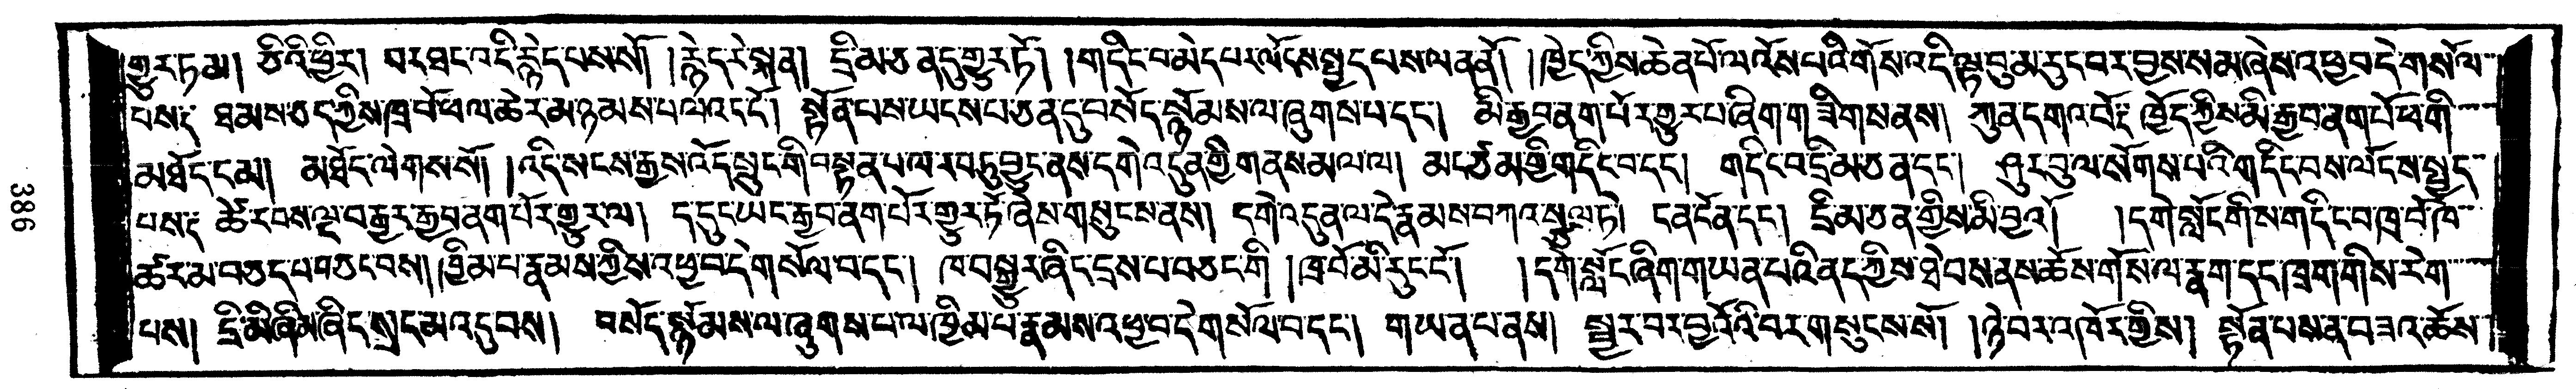གྱུར་ཏམ། ཅིའི་ཕྱིར། བར་ཐང་འདི་རྙེད་པས་སོ། །རྙེད་རེ་སྐན། དྲི་མ་ཅན་དུ་གྱུར་ཏོ། །གདིང་བ་མེད་པར་ལོངས་སྤྱོད་པས་ལན་ནོ། །ཁྱེད་ཀྱིས་ཆེན་པོ་ལ་འོས་པའི་གོས་འདི་ལྟ་བུ་མ་རུང་བར་བྱས་སམ་ཞེས་འཕྱ་བ་དེ་གསོལ་
པས༑ ཐམས་ཅད་ཀྱིས་ཁྲོ་བོ་ཕལ་ཆེར་མ་ཉམས་པ་ལའང་ངོ། སྟོན་པས་ཡངས་པ་ཅན་དུ་བསོད་སྙོམས་ལ་ཞུགས་པ་དང་། མི་རྒྱབ་ནག་པོར་གྱུར་པ་ཞིག་གཟིགས་ནས། ཀུན་དགའ་བོ༑ ཁྱོད་ཀྱིས་མི་རྒྱབ་ནག་པོ་ཕ་གི་
མཐོང་དམ། མཐོང་ལེགས་སོ། །འདི་སངས་རྒྱས་འོད་སྲུང་གི་བསྟན་པ་ལ་རབ་ཏུ་བྱུང་ནས་དགེ་འདུན་གྱི་གནས་མལ་ལ། མང་ཙམ་གྱི་གདིང་བ་དང་། གདིང་བ་དྲི་མ་ཅན་དང་། ཤུར་བུ་ལ་སོགས་པའི་གདིང་བས་ལོངས་སྤྱད་
པས༑ ཚེ་རབས་ལྔ་བརྒྱར་རྒྱབ་ནག་པོར་གྱུར་ལ། ད་དུང་ཡང་རྒྱབ་ནག་པོར་གྱུར་ཏོ་ཞེས་གསུངས་ནས། དགེ་འདུན་ལ་དེ་རྣམས་བཀའ་སྩལ་ཏེ། ངན་དོན་དང་། དྲི་མ་ཅན་གྱིས་མི་བྱའོ། །དགེ་སློང་གིས་གདིང་བ་ཁྲ་བོ་ཁ་
ཚར་མ་བཅད་པ་བཅང་བས། ཁྱིམ་པ་རྣམས་ཀྱིས་འཕྱ་བ་དེ་གསོལ་བ་དང་། ཁ་བསྒྱུར་ཞིང་དྲས་པ་བཅང་གི །ཁྲོ་བོ་མི་རུང་ངོ། །དགེ་སློང་ཞིག་གཡན་པའི་ནད་ཀྱིས་ཐེབས་ནས་ཆོས་གོས་ལ་རྣག་དང་ཁྲག་གིས་རེག་
པས། དྲི་མི་ཞིམ་ཞིང་སྲང་མ་འདུ་བས། བསོད་སྙོམས་ལ་ཞུགས་པ་ལ་ཁྱིམ་པ་རྣམས་འཕྱ་བ་དེ་གསོལ་བ་དང་། གཡན་པ་ནས། སྦྱར་བར་བྱའོའི་བར་གསུངས་སོ། །ཉེ་བར་འཁོར་གྱིས། སྟོན་པས་ན་བཟའ་ཆོས་